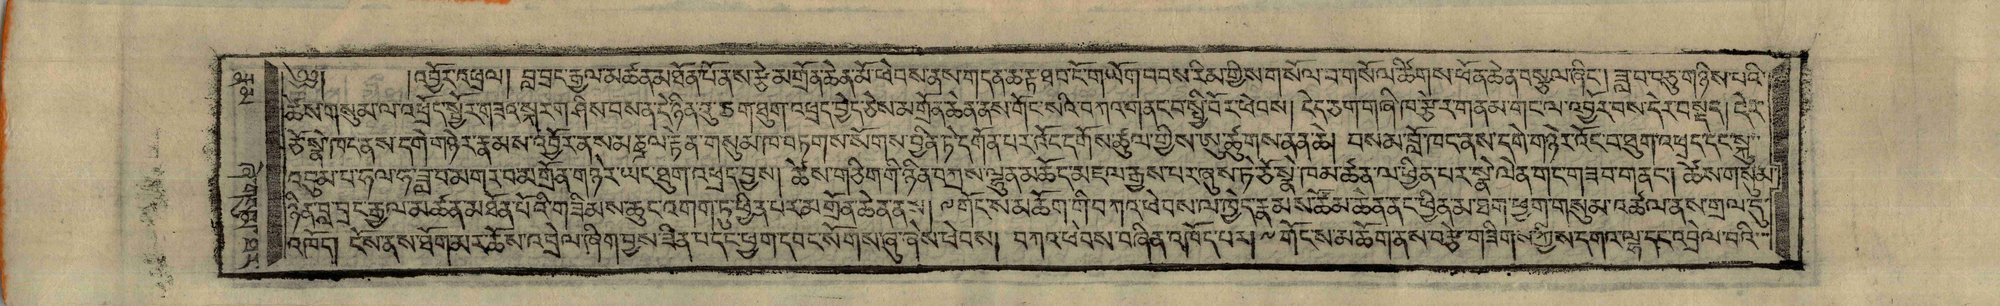༄༅། །འབྱོར་འཕྲལ། བླ་བྲང་རྒྱལ་མཚན་མཐོན་པོ་ནས་རྩེ་མགྲོན་ཆེན་མོ་ཕེབས་ནས་གདན་ཆ་རྟ་ཐབ་ངོ་གཡོག་བབས་རིམ་གྱིས་གསོལ་བ་གསོལ་ཚིགས་ཕོན་ཆེན་བསྩལ་ཞིང་། ཟླ་བ་བཅུ་གཉིས་པའི་
ཚེས་གསུམ་ལ་འཕྲོད་སྦྱོར་གཟའ་སྐར་གཤིས་བསན་དེ་ཉིན་འུ་ཅག་ཐུག་འཕྲད་བྱེད་ཅེས་མགྲོན་ཆེན་ནས་གོང་སའི་བཀའ་གནང་བ་སྤྱི་བོར་ཕེབས། ངེད་ཅག་གཞི་ཁ་རྩེར་གནམ་གང་ལ་འབྱོར་བས་དེར་བསྡད། དེར་
ཙེ་སྣེ་ཁང་ནས་དགེ་གཉེར་རྣམས་འབྱོར་ནས་མཎྜལ་རྟེན་གསུམ་ཁ་བཏགས་སོགས་བྱིན་ཏེ་དགོན་པར་འོང་དགོས་ཚུལ་གྱིས་ཨུ་ཚུགས་ནན་ཆེ། བསམ་བློ་ཁང་ནས་དགེ་གཉེར་འོང་བ་ཐུག་འཕྲད་དང་སྐུ་
འབུམ་པ་ཧལ་ཧ་ཟླ་བ་མགར་བ་མགྲོན་གཉེར་ཡང་ཐུག་འཕྲད་བྱས། ཚེས་གཅིག་གི་ཉིན་བཀྲས་ལྷུན་མཆོད་མཇལ་རྒྱས་པར་ཞུས་ཏེ་ཅོ་སྣེ་ཁམ་ཚན་ལ་ཕྱིན་པར་སྣེ་ལེན་གང་གཟབ་གནང་། ཚེས་གསུམ་
ཉིན་བླ་བྲང་རྒྱལ་མཚན་མཐོན་པོའི་གཟིམས་ཆུང་འགག་ཏུ་ཕྱིན་པར་མགྲོན་ཆེན་ནས། ༧་གོང་ས་མཆོག་གི་བཀའ་ཕེབས་ལ་ཁྱེད་རྣམས་ཚོམ་ཆེན་ནང་ཕྱིན་མ་ཐག་ཕྱག་གསུམ་འཚལ་ནས་གྲལ་དུ་
འཁོད། ངོས་ནས་ཐོག་མར་ཆོས་འབྲེལ་ཞིག་བྱས་ཟིན་པ་དང་ཕྱག་དབང་སོགས་ཞུ་ཞེས་ཕེབས། བཀའ་ཕེབས་བཞིན་འཁོད་པར། ༧་གོང་ས་མཆོག་ནས་བརྩེ་གཟིགས་ཀྱིས་དགའ་ལྷ་དང་འབྲེལ་བའི་